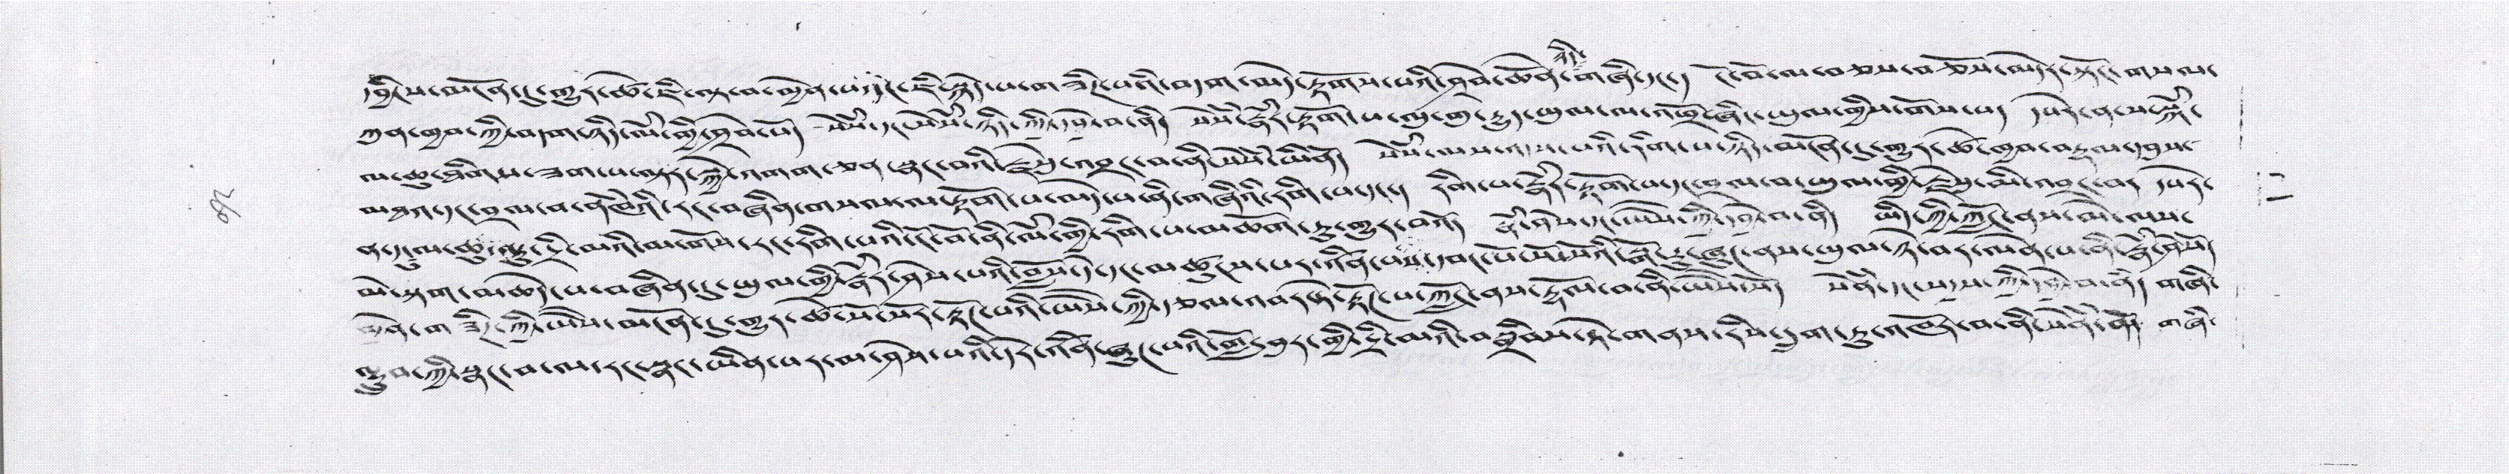དབྱིངས་མངོན་དུ་གྱུར་ཚེ་ཇི་ལྟ་བ་མཁྱེན་པ་དང་ཇི་སྙེད་པ་གཟིགས་པའི་བདག་མེད་རྟོགས་པའི་ཤེས་རབ་ཆེན་པོ་ཉིད་གཞི་དང། ངོ་བོ་ལ་བཅས་བཅོས་མེད་པར་སྟོང་གསལ་
ཀུན་ཁྱབ་ཀྱི་བདག་ཉིད་ལམ་གྱི་ཤེས་རབ་བོ། སེམས་དང་སེམས་ཉིད་ཀྱི་དབྱེ་བ་ནི། སེམས་རྣམ་པར་རྟོག་པ་ལུ་གུ་རྒྱུད་ཡུལ་ལ་འཕྲོ་ཞིང་ཡུལ་གྱིས་གོས་པ། དཔེར་ན་ས་སྐམ་
ལ་ཆུ་ཐིགས་ཟག་པ་ལྟར་སྐྱེ་འགག་ཅན་སྣང་བའི་རྗེས་སུ་འབྲང་བ་ནི་སེམས་ཡིན་ནོ། སེམས་ལས་འདས་པའི་རིག་པ་ཉིད་མངོན་དུ་གྱུར་ཚེ་ཁྱབ་བརྡལ་དབུས་
མཐའ་དང་བྲལ་བ་ནམ་མཁའི་རང་བཞིན་གསལ་ལ་རྟོག་པ་མེད་པ་ནི་གཞིའི་རིག་པ་དང། རིག་པ་རྣམ་པར་རྟོག་པ་དང་བྲལ་བ་ཡུལ་གྱི་རྗེས་སུ་མི་འབྲང་བ། དཔེར་
ན་དངུལ་ཆུ་ལྟ་བུ་དྲི་མའི་མ་གོས་རང་རིག་པའི་ངོ་བོ་ནི་ལམ་གྱི་རིག་པ་མཆོག་ཏུ་གྱུར་བའོ། རྣམ་ཤེས་དང་ཡེ་ཤེས་ཀྱི་དབྱེ་བ་ནི། ཡིད་ཀྱི་ཀློང་ནས་མེ་ལས་
མེ་སྟག་མཆེད་པ་བཞིན་དུ་ཡུལ་གྱི་རྣམ་པར་ཤེས་པའི་བློས་དེ་དང་མཚུངས་པར་འཛིན་པས་དབང་པོ་སོ་སོའི་སྒོ་རུ་ཞུགས་ནས་ཡུལ་ཉེ་བར་ལེན་པ་ནི་རྣམ་ཤེས་སོ། 
མཁྱེན་གཟིགས་ཀྱི་ཡེ་ཤེས་མངོན་དུ་གྱུར་ཚེ་སོ་སོར་རྟོགས་པའི་ཡེ་ཤེས་ཀྱི་རྩལ་འབར་ཏེ་རྟོགས་པ་ཀློང་ནས་རྡོལ་བ་ནི་ཡེ་ཤེས་སོ། སེམས་ཅན་དང་སངས་རྒྱས་ཀྱི་དབྱེ་བ་ནི། གཞི་
ལྷུན་གྲུབ་ཀྱི་སྣང་བ་ལ་རང་སྣང་ཡིན་པར་མ་ཤེས་པའི་དེར་འཛིན་ཞུགས་པའི་གློ་བུར་གྱི་དྲི་མའི་བསྒྲིབས་ཏེ་གནས་རིས་དྲུག་ཏུ་འཁོར་བ་ནི་སེམས་ཅན་ནོ། གཞི་